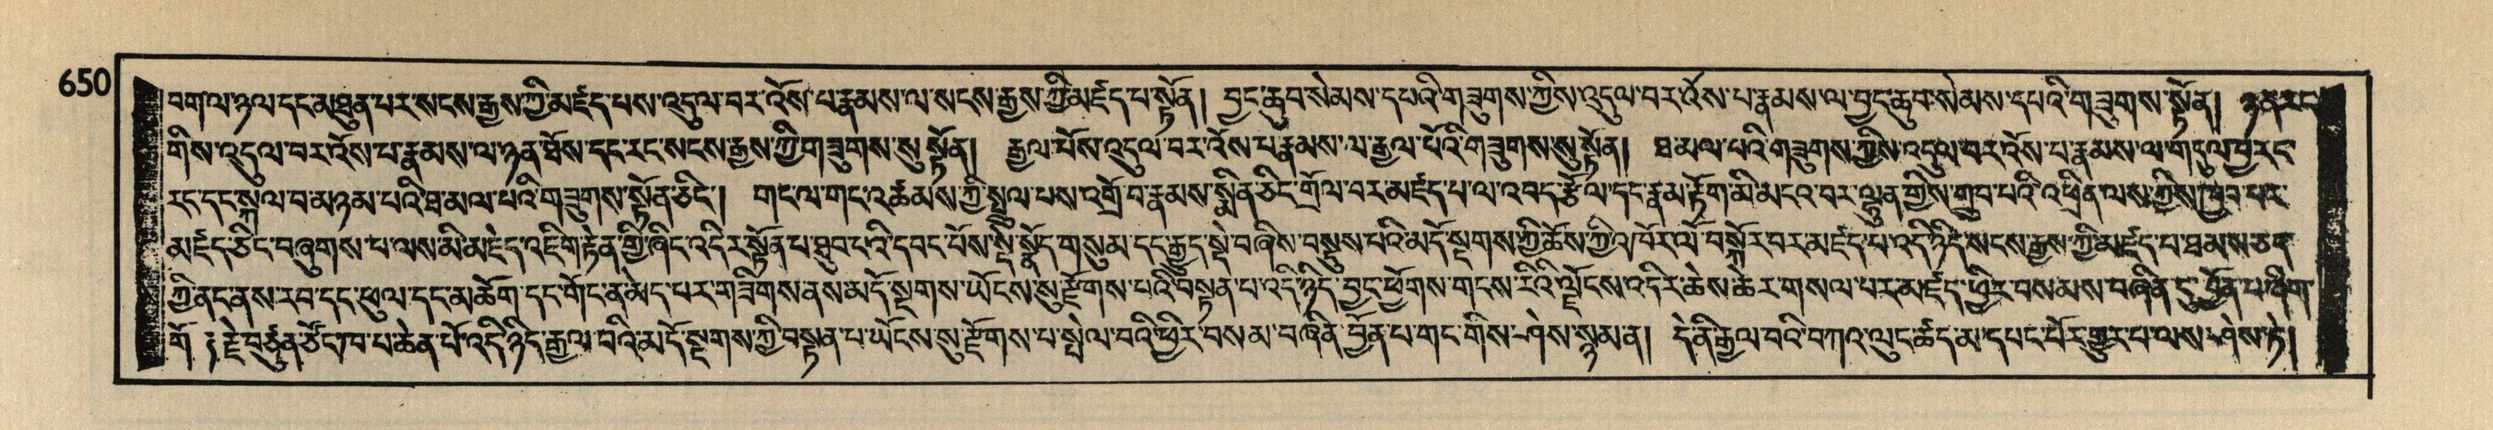བག་ལ་ཉལ་དང་མཐུན་པར་སངས་རྒྱས་ཀྱི་མཛད་པས་འདུལ་བར་འོས་པ་རྣམས་ལ་སངས་རྒྱས་ཀྱི་མཛད་པ་སྟོན། བྱང་ཆུབ་སེམས་དཔའི་གཟུགས་ཀྱིས་འདུལ་བར་འོས་པ་རྣམས་ལ་བྱང་ཆུབ་སེམས་དཔའི་གཟུགས་སྟོན། ཉན་རང་
གིས་འདུལ་བར་འོས་པ་རྣམས་ལ་ཉན་ཐོས་དང་རང་སངས་རྒྱས་ཀྱི་གཟུགས་སུ་སྟོན། རྒྱལ་པོས་འདུལ་བར་འོས་པ་རྣམས་ལ་རྒྱལ་པོའི་གཟུགས་སུ་སྟོན། ཐ་མལ་པའི་གཟུགས་ཀྱིས་འདུལ་བར་འོས་པ་རྣམས་ལ་གདུལ་བྱ་རང་
རང་དང་སྐལ་བ་མཉམ་པའི་ཐ་མལ་པའི་གཟུགས་སྟོན་ཅིང་། གང་ལ་གང་འཚམས་ཀྱི་སྤྲུལ་པས་འགྲོ་བ་རྣམས་སྨིན་ཅིང་གྲོལ་བར་མཛད་པ་ལ་འབད་རྩོལ་དང་རྣམ་རྟོག་མི་མངའ་བར་ལྷུན་གྱིས་གྲུབ་པའི་འཕྲིན་ལས་ཀྱིས་ཁྱབ་པར་
མཛད་ཅིང་བཞུགས་པ་ལས་མི་མཇེད་འཇིག་རྟེན་གྱི་ཞིང་འདིར་སྟོན་པ་ཐུབ་པའི་དབང་པོས་སྡེ་སྣོད་གསུམ་དང་རྒྱུད་སྡེ་བཞིས་བསྡུས་པའི་མདོ་སྔགས་ཀྱི་ཆོས་ཀྱི་འཁོར་ལོ་བསྐོར་བར་མཛད་པ་འདི་ཉིད་སངས་རྒྱས་ཀྱི་མཛད་པ་ཐམས་ཅད་
ཀྱི་ནང་ནས་རབ་དང་ཕུལ་དང་མཆོག་དང་གོང་ན་མེད་པར་གཟིགས་ནས་མདོ་སྔགས་ཡོངས་སུ་རྫོགས་པའི་བསྟན་པ་འདི་ཉིད་བྱང་ཕྱོགས་གངས་རིའི་ལྗོངས་འདིར་ཆེས་ཆེར་གསལ་པར་མཛད་ཕྱིར་བསམས་བཞིན་དུ་བྱོན་པ་ཞིག་
གོ ༑རྗེ་བཙུན་ཙོང་ཁ་པ་ཆེན་པོ་འདི་ཉིད་རྒྱལ་བའི་མདོ་སྔགས་ཀྱི་བསྟན་པ་ཡོངས་སུ་རྫོགས་པ་སྤེལ་བའི་ཕྱིར་བསམ་བཞིན་བྱོན་པ་གང་གིས་ཤེས་སྙམ་ན། དེ་ནི་རྒྱལ་བའི་བཀའ་ལུང་ཚད་མ་དཔང་པོར་གྱུར་པ་ལས་ཤེས་ཏེ།